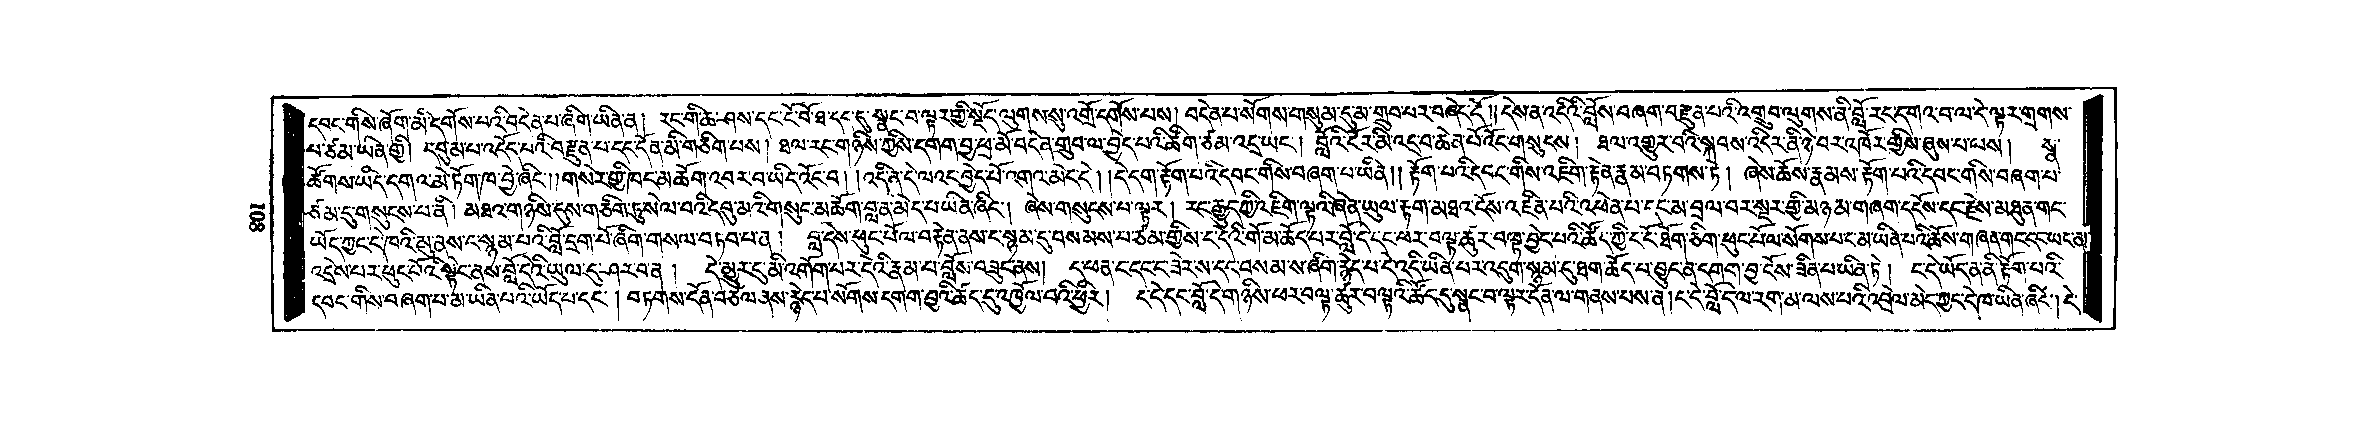དབང་གིས་ཞོག་མི་དགོས་པའི་བདེན་པ་ཞིག་ཡིན་ན། རང་གི་ཆ་ཤས་དང་ངོ་བོ་ཐ་དད་དུ་སྣང་བ་ལྟར་གྱི་སྡོད་ལུགས་སུ་འགྲོ་དགོས་པས། བདེན་པ་སོགས་གསུམ་དུ་མ་གྲུབ་པར་བཞེད་དོ། །དེས་ན་འདིའི་བློས་བཞག་བརྫུན་པའི་འགྲུབ་ལུགས་ནི་བློ་རང་དགའ་བ་ལ་དེ་ལྟར་གྲགས་
པ་ཙམ་ཡིན་གྱི། དབུ་མ་པ་འདོད་པའི་བརྫུན་པ་དང་དོན་མི་གཅིག་པས། ཐལ་རང་གཉིས་ཀྱིས་དགག་བྱ་ཕྲ་མོ་བདེན་གྲུབ་ལ་བྱེད་པའི་ཚིག་ཙམ་འདྲ་ཡང་། བློའི་ངོར་མི་འདྲ་བ་ཆེན་པོ་འོང་གསུངས། ཐལ་འགྱུར་བའི་སྐབས་འདིར་ནི་ཉེ་བར་འཁོར་གྱིས་ཞུས་པ་ལས། སྣ་
ཚོགས་ཡིད་དགའ་མེ་ཏོག་ཁ་བྱེ་ཞིང་། །གསེར་གྱི་ཁང་མཆོག་འབར་བ་ཡིད་འོང་བ། །འདི་ན་དེ་ལའང་བྱེད་པོ་འགའ་མེད་དེ། །དེ་དག་རྟོག་པའི་དབང་གིས་བཞག་པ་ཡིན། །རྟོག་པའི་དབང་གིས་འཇིག་རྟེན་རྣམ་བཏགས་ཏེ། ཞེས་ཆོས་རྣམས་རྟོག་པའི་དབང་གིས་བཞག་པ་
ཙམ་དུ་གསུངས་པ་ནི། མཐའ་གཉིས་དུས་གཅིག་ཏུ་སེལ་བའི་དབུ་མའི་གསུང་མཆོག་བླ་ན་མེད་པ་ཡིན་ཞིང་། ཞེས་གསུངས་པ་ལྟར། རང་རྒྱུད་ཀྱི་འཇིག་ལྟའི་ཞེན་ཡུལ་རྟག་མཐའ་ངོས་འཛིན་པའི་འཕེན་པ་དང་མ་བྲལ་བར་སྔར་གྱི་མཉམ་གཞག་དངོས་དང་རྗེས་མཐུན་གང་
ཡོད་ཀྱང་དེ་ཁའི་མུ་ནས་ང་སྙམ་པའི་བློ་དྲག་པོ་ཞིག་གསལ་བཏབ་པ་ན། བླ་དེས་ཕུང་པོ་ལ་བརྟེན་ནས་ང་སྙམ་དུ་བསམས་པ་ཙམ་གྱིས་ང་དེའི་གོ་མ་ཆོད་པར་བློ་དེ་དང་ཕར་བལྟ་ཚུར་བལྟ་བྱེད་པའི་ཚོད་ཀྱི་ང་ངོ་ཐོག་ཅིག་ཕུང་པོ་ལ་སོགས་པ་ང་མ་ཡིན་པའི་ཆོས་གཞན་གང་དང་ཡང་མ་
འདྲེས་པར་ཕུང་པོའི་སྟེང་ནས་བློ་དེའི་ཡུལ་དུ་ཤར་བ་ན། དེ་མྱུར་དུ་མི་འགོག་པར་དེའི་རྣམ་པ་བློས་བཟུང་ནས། ད་ཕན་ང་དང་ང་ཟེར་ས་དང་བསམ་ས་ཞིག་རྙེད་པ་དེ་འདི་ཡིན་པར་འདུག་སྙམ་དུ་ཐག་ཆོད་པ་བྱུང་ན་དགག་བྱ་ངོས་ཟིན་པ་ཡིན་ཏེ། ང་དེ་ཡོད་ན་ནི་རྟོག་པའི་
དབང་གིས་བཞག་པ་མ་ཡིན་པའི་ཡོད་པ་དང་། བཏགས་དོན་བཙལ་ནས་རྙེད་པ་སོགས་དགག་བྱའི་ཚད་དུ་འཁྱོལ་བའི་ཕྱིར། ང་དེ་དང་བློ་དེ་གཉིས་ཕར་བལྟ་ཚུར་བལྟའི་ཚོད་དུ་སྣང་བ་ལྟར་དོན་ལ་གནས་པས་ན། ང་དེ་བློ་དེ་ལ་རག་མ་ལས་པའི་འབྲེལ་མེད་ཀྱང་དེ་ཁ་ཡིན་ཞིང་། དེ་